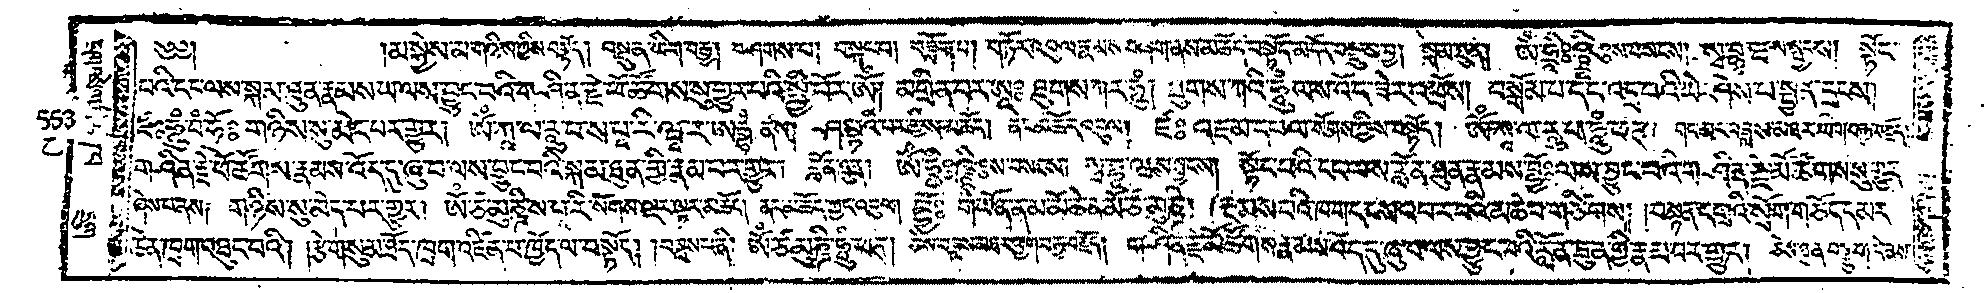༄༅། །མ་སྐྱེས་མ་གཉིས་ཀྱིས་བསྟོད། བསྡུན་ཡིག་བརྒྱ། བཤགས་པ། བསྐང་བ། བཟློག་པ། གཏོར་འབུལ་རྣམས་བཞག་ནས་མཆོད་བསྟོད་མདོར་བསྡུས་བྱ། སྐམ་ཐུན།  ཨོཾ་ཧྲཱིཿཥཊཿཨཱིཿས་བསངས།  སྭ་བྷཱ་ཝས་སྦྱངས།  སྟོང་
པའི་ངང་ལས་སྐམ་ཐུན་རྣམས་ཡ་ལས་བྱུང་བའི་གཤིན་རྗེ་ཕོ་ཚོགས་སུ་གྱུར་པའི་སྤྱི་བོར་ཨོཾ། མགྲིན་པར་ཨཱཿཐུགས་ཀར་ཧཱུཾ། ཐུགས་ཀའི་ཧཱུཾ་ལས་འོད་ཟེར་འཕྲོས། བསྒོམ་པ་དང་འདྲ་བའི་ཡེ་ཤེས་པ་སྤྱན་དྲངས།
ཛཿཧཱུཾ་བཾ་ཧོཿ གཉིས་སུ་མེད་པར་གྱུར། ཨོཾ་ཀཱ་ལ་རླུ་པ་ས་པཱ་རི་ཝཝ་ར་ཨརྒྷཾ་ནས།  ཤཔྟའི་པར་གྱིས་མཆོད། ནང་མཆོད་འབུལ།  ཛཿའཇམ་དཔལ་སོགས་ཀྱིས་བསྟོད།  ཨོཾ་ཀཱ་ལ་རླུ་པ་ཧཱུཾ་ཕཊ། གང་མང་བཟླས་མཐར་ཡིག་བརྒྱ་བརྗོད
གཤིན་རྗེ་ཕོ་ཚོགས་རྣམས་འོད་དུ་ཞུ་བ་ལས་བྱུང་བའི་སྐམ་ཐུན་གྱི་རྣམ་པར་གྱུར། རློན་ཐུན། ཨོཾ་ཧྲཱིཿཥཊཿཨཱིཿ ས་བསངས།  སྭབྷཱ་ཝས་སྦྱངས། སྟོང་པའི་ངང་ལས་རློན་ཐུན་རྣམས་བྷྱོཿ ལས་བྱུང་བའི་གཤིན་རྗེ་མོ་ཚོགས་སུ་གྱུར་
ཞེས་པ་ནས།  གཉིས་སུ་མེད་པར་གྱུར། ཨོཾ་ཙ་མུཎྜི་ས་པཱ་རི་སོགས་ལྔར་ལྟར་མཆོད། ནང་མཆོད་ཀྱང་འབུལ།  བྷྱོཿ གཡོན་ནམ་མོ་ཆེན་མོ་ཙ་མུ་ཎྜི། །རྔམས་པའི་ཁ་གདངས་འབར་བའི་མཆེ་བ་གཙིགས། །བསྟན་དགྲའི་སྲོག་གཅོད་དམར་
ཆེན་ཁྲག་འཐུང་བའི། །རྩེ་གསུམ་ཐོད་ཁྲག་འཛིན་པ་ཁྱོད་ལ་བསྟོད། །བཟླས་པ་ནི།  ཨོཾ་ཙ་མུཎྜི་ཧཱུཾ་ཕཊ། ཅེས་བཟླས་མཐར་ཕྱག་བརྒྱ་བརྗོད།  གཤིན་རྗེ་མོ་ཚོགས་རྣམས་འོད་དུ་ཞུ་བ་ལས་བྱུང་བའི་རློན་ཐུན་གྱི་རྣམ་པར་གྱུར། ཅེས་ཐུན་བསྒྲུག་དེ་ནས་